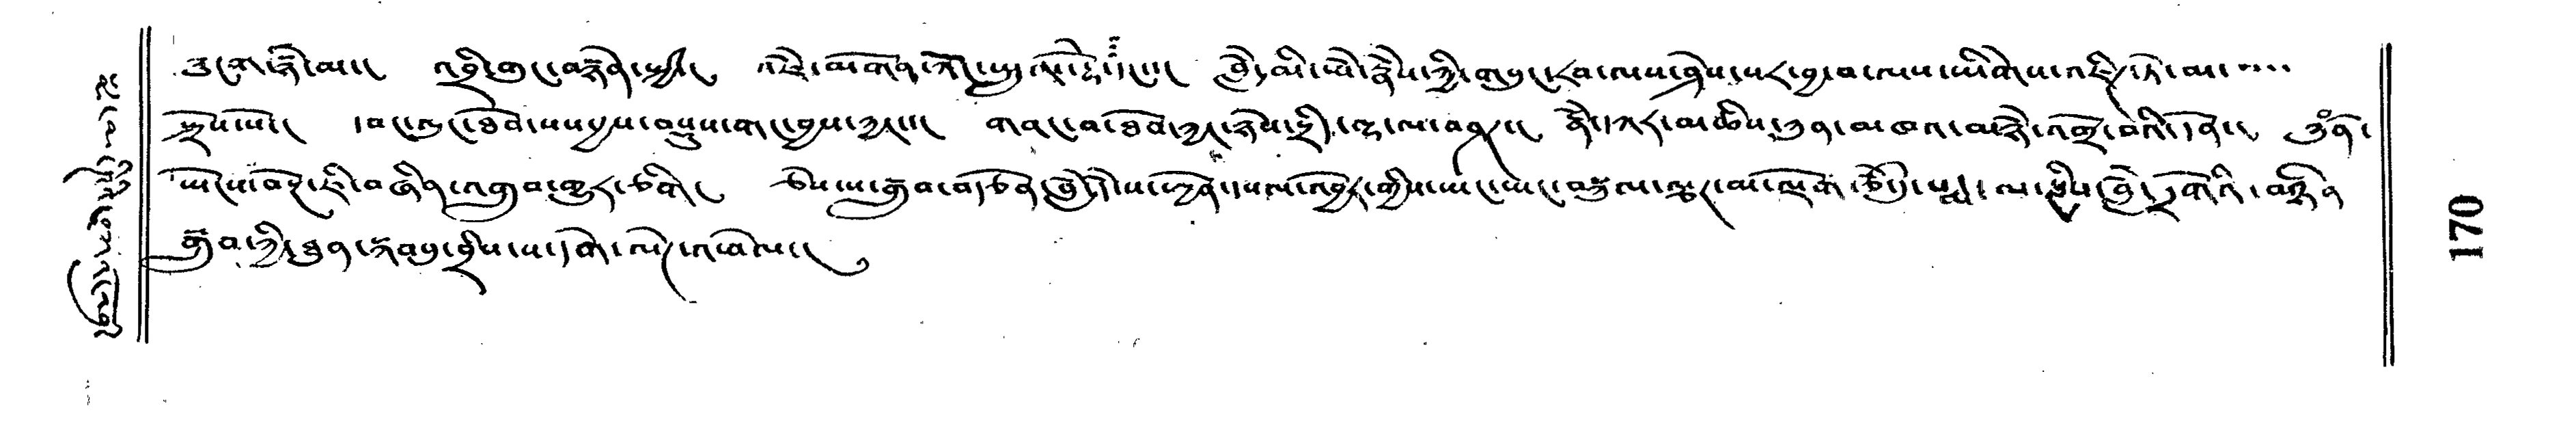ཟུང་འཇུག་སྙེ་མ། འབྲི་གུང་བསྙེན་སྤྱི། འཇམ་མགོན་ཀོང་སྤྲུལ་རྡོ་རྗེ་འཆང་དང་། བླ་མ་མི་ཕམ་རྣམས་ཀྱི་གསུང་རབ་ལས་ཤེས་པར་བྱ་བ་ལས་ཡི་གེས་འཇིགས་ཏེ་མ་
སྤྲོས་སོ། དབང་ལུང་ཐོབ་པས་རྒྱས་བསྡུས་གང་བྱས་ཀྱང་། གནང་བ་ཐོབ་ཀྱང་ཉེས་སྲིད་ལྷ་ལ་བཤགས། རྣམ་དཀར་མཆིས་ཀུན་མཁའ་མཉམ་འགྲོ་བའི་དོན། ཀུན་བཟང་
ཡོངས་བསྔོ་ཇི་བཞིན་འགྲུབ་གྱུར་ཅིག་། ཅེས་པ་སྒྲུབ་བརྩོན་བླ་མ་དམ་པ་ཨོ་རྒྱན་དཔལ་འབྱོར་གྱིས་ཡང་ཡང་བསྐུལ་ལྕགས་མ་ལྡོག་ཙམ་དུ་པདྨ་མ་ཎིས་བླ་མ་དྲག་པོའི་བསྙེན་
སྒྲུབ་ཀྱི་ཐུན་སེང་དག་ལ་བྲིས་པ་དགེ་ལེགས་འཕེལ། །